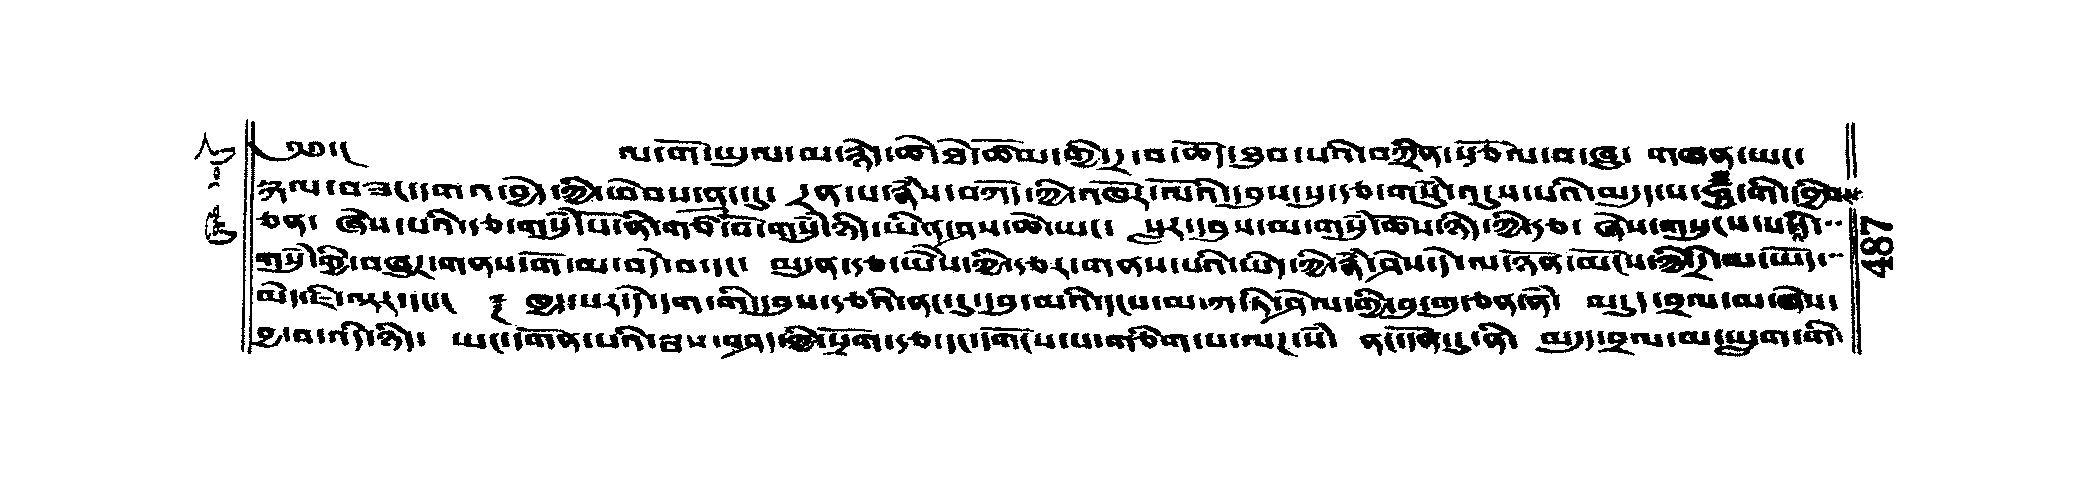ལ་གོ་ཡུལ་མ་རྙེད་ཚེ་ཐེ་ཚོམ་གྱི་དྲྭ་བ་ཆོད་ཐུབ་པའི་བཀའ་དྲིན་སྩོལ་བ་ཞུ། ༈ གཞན་ཡང་
སྐལ་བཟང་དགའ་བྱེད་ཀྱི་ཕེབས་ནང་དུ། དྲན་པ་རྣམ་བཀོད་ཀྱི་འཁོར་ལོའི་དབུས་སུ་རྩ་གསུམ་འདུས་པའི་མདུད་པ་ཧཱུྃ་གི་དབྱིབས་
ཅན། ཞེས་པའི་རྩ་གསུམ་པོ་ནི་གཙོ་བོ་གསུམ་ཉིད་ཡིན་ཤས་ཆེ་ཡང་། སླར་དབུས་མ་གསུམ་ཆོས་ཉིད་ཀྱི་རྩ། ཞེས་གསུངས་པ་འདི་
གསུམ་གྱི་བཞུགས་གནས་གོ་མ་བདེ་བ་དང་། མདུན་རྩ་ཡེ་ཤེས་ཀྱི་རྩར་གནས་པའི་ཡིད་ཀྱི་རྣམ་ཤེས་དེ་ལ་ཉོན་མོངས་ཀྱི་དྲི་མ་ཡོད་
མེད་ཇི་ལྟར་དང་། ཁྱད་པར་དེ་དག་གི་དབུས་རྩའི་ནང་དུ་དབུ་མའི་དངས་མ་ཀ་ཏི་ཤེལ་གྱི་བུ་གུ་ཅན་ནམ། མདུད་བྲལ་མ་ཞེས་
བྱ་བ་འདི་ཉིད། ཡང་དགོན་པའི་སྦས་བཤད་ཀྱི་སྲོག་རྩ་དང་དགོངས་པ་གཅིག་པ་ལགས་སམ། ནང་དོན་དུ་ནི།མདུད་བྲལ་མ་ཡན་ལག་གི་